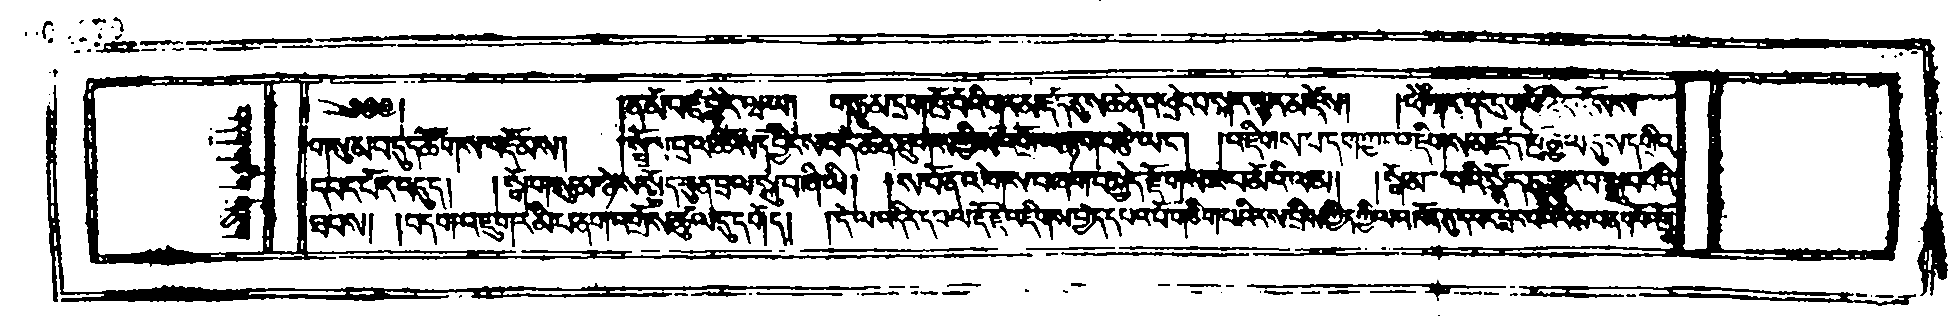༄༅༅། །ན་མོ་བཛྲ་བྷེ་རེ་ཝ་ཡ། གཏུམ་དྲག་ཁྲོ་བོའི་གར་མཛད་རུས་ཆེན་འཕྲེང་བ་སྐར་ལྟར་མཛེས། །ཕཻཾ་ཀ་ར་དང་དྲག་པོའི་ང་རོས་ས་
གསུམ་བདུད་ཚོགས་འཇོམས། །སྤྲོས་བྲལ་ཆོས་དབྱིངས་བདེ་ཆེན་ཐུགས་ཀྱིས་འགྲོ་ལ་རྟག་བརྩེ་ཡང་། །འཇིགས་པ་དག་ཀྱང་འཇིགས་མཛད་ཁྲོ་རྒྱལ་དུས་དགྲའི་
དབང་པོར་འདུད། །སྒོ་གསུམ་ཉེས་སྤྱོད་ཀུན་བྲལ་སྐུ་བཞི་ཡི། །ས་བོན་ལེགས་བཞག་བསྐྱེད་རྫོགས་ཟབ་མོའི་ལམ། །སྒོམ་པའི་སྣོད་དུ་གྱུར་བ་སྒྲུབ་པའི་
ཐབས། །བདག་འཇུག་རིམ་པ་ནག་འགྲོས་ཚུལ་དུ་དགོད། །དེ་ལ་འདིར་དཔལ་རྡོ་རྗེ་འཇིགས་བྱེད་དཔའ་བོ་གཅིག་པའི་རས་བྲིས་ཀྱི་དཀྱིལ་འཁོར་དུ་དབང་བླང་པའི་རིམ་པ་ནག་པོ་འགྲོས་